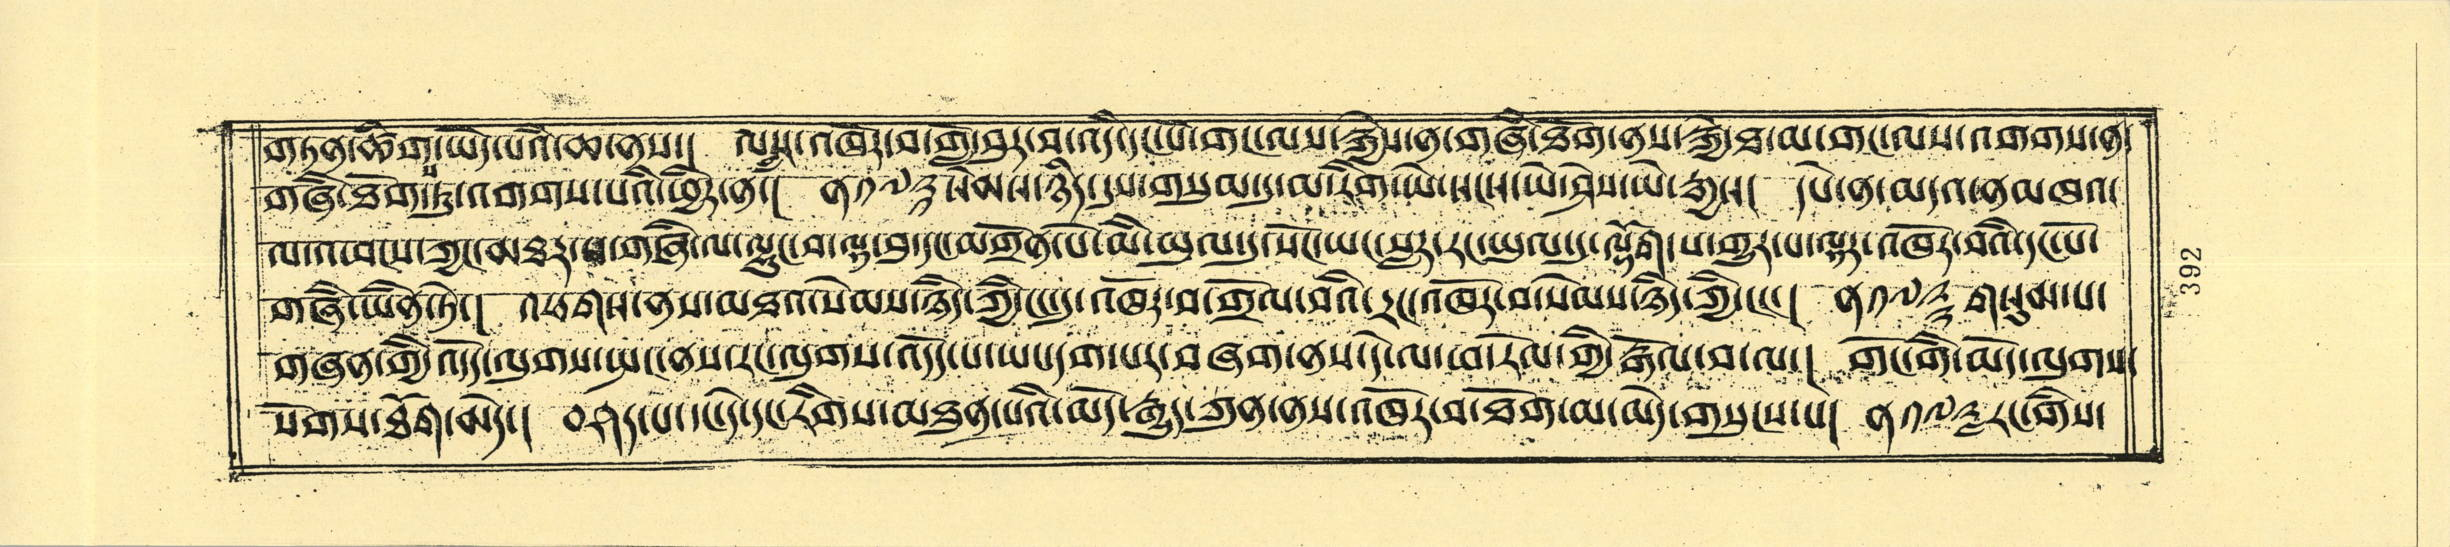གཏན་ཚིགས་ཡོད་པའི་ཆ་ནས། ལས་འཁོར་བ་གློ་བུར་བ་འདི་དང་པོ་གང་ལས་སྐྱེས་ན་གཞི་ཐོག་ནས་སྐྱེ་ཐ་མ་གང་ལས་འགགས་ན་
གཞི་ཐོག་ཏུ་འགགས་པའི་ཕྱིར་ན། ན༡༧༢།༡ སེམས་ཉིད་དུས་གསུམ་དུ་མ་རིག་ཡེ་སངས་ཡེ་ཤེས་ཡེ་རྒྱས། དཔེ་ན་མདའ་ནམ་མཁའ་
ལ་འཕངས་ཀྱང་མཐར་པ་གཞི་ལ་ལྷུང་བ་ལྟ་བུ་དང་མགྲོན་པོ་མི་ཡུལ་དུ་སོང་ཡང་སླར་རང་ཡུལ་དུ་ལྡོག་པ་གྱུར་པ་ལྟར་འཁོར་བའི་དང་པོ་
གཞི་ཡིན་ཏེ། འཕགས་ནས་མཐའ་སེམས་ཉིད་ཀྱི་ངང་དུ་འཁོར་བ་གྲོལ་བའི་རང་འཁོར་བ་སེམས་ཉིད་ཀྱི་ངང། ན༡༧༢།༢ གསུམ་པ་
གཞན་གྱི་འདོད་ལུགས་སྤང་ནས་རང་ལུགས་འདོད་པ་ཡང་དག་པར་བཞག་ནས་དེ་ལ་ཕ་རོལ་གྱི་རྒོལ་བ་ལ། གོང་གི་མདོ་ལུགས་
སོགས་ཐོག་མེད། བཤད་པ་དང་དེ་དང་རིགས་མཐུན་པའི་མདོ་རྒྱུད་ཀུན་ནས་འཁོར་བ་ཐོག་མ་མེད་གསུངས་པ། ན༡༧༢།༤ རང་གིས་